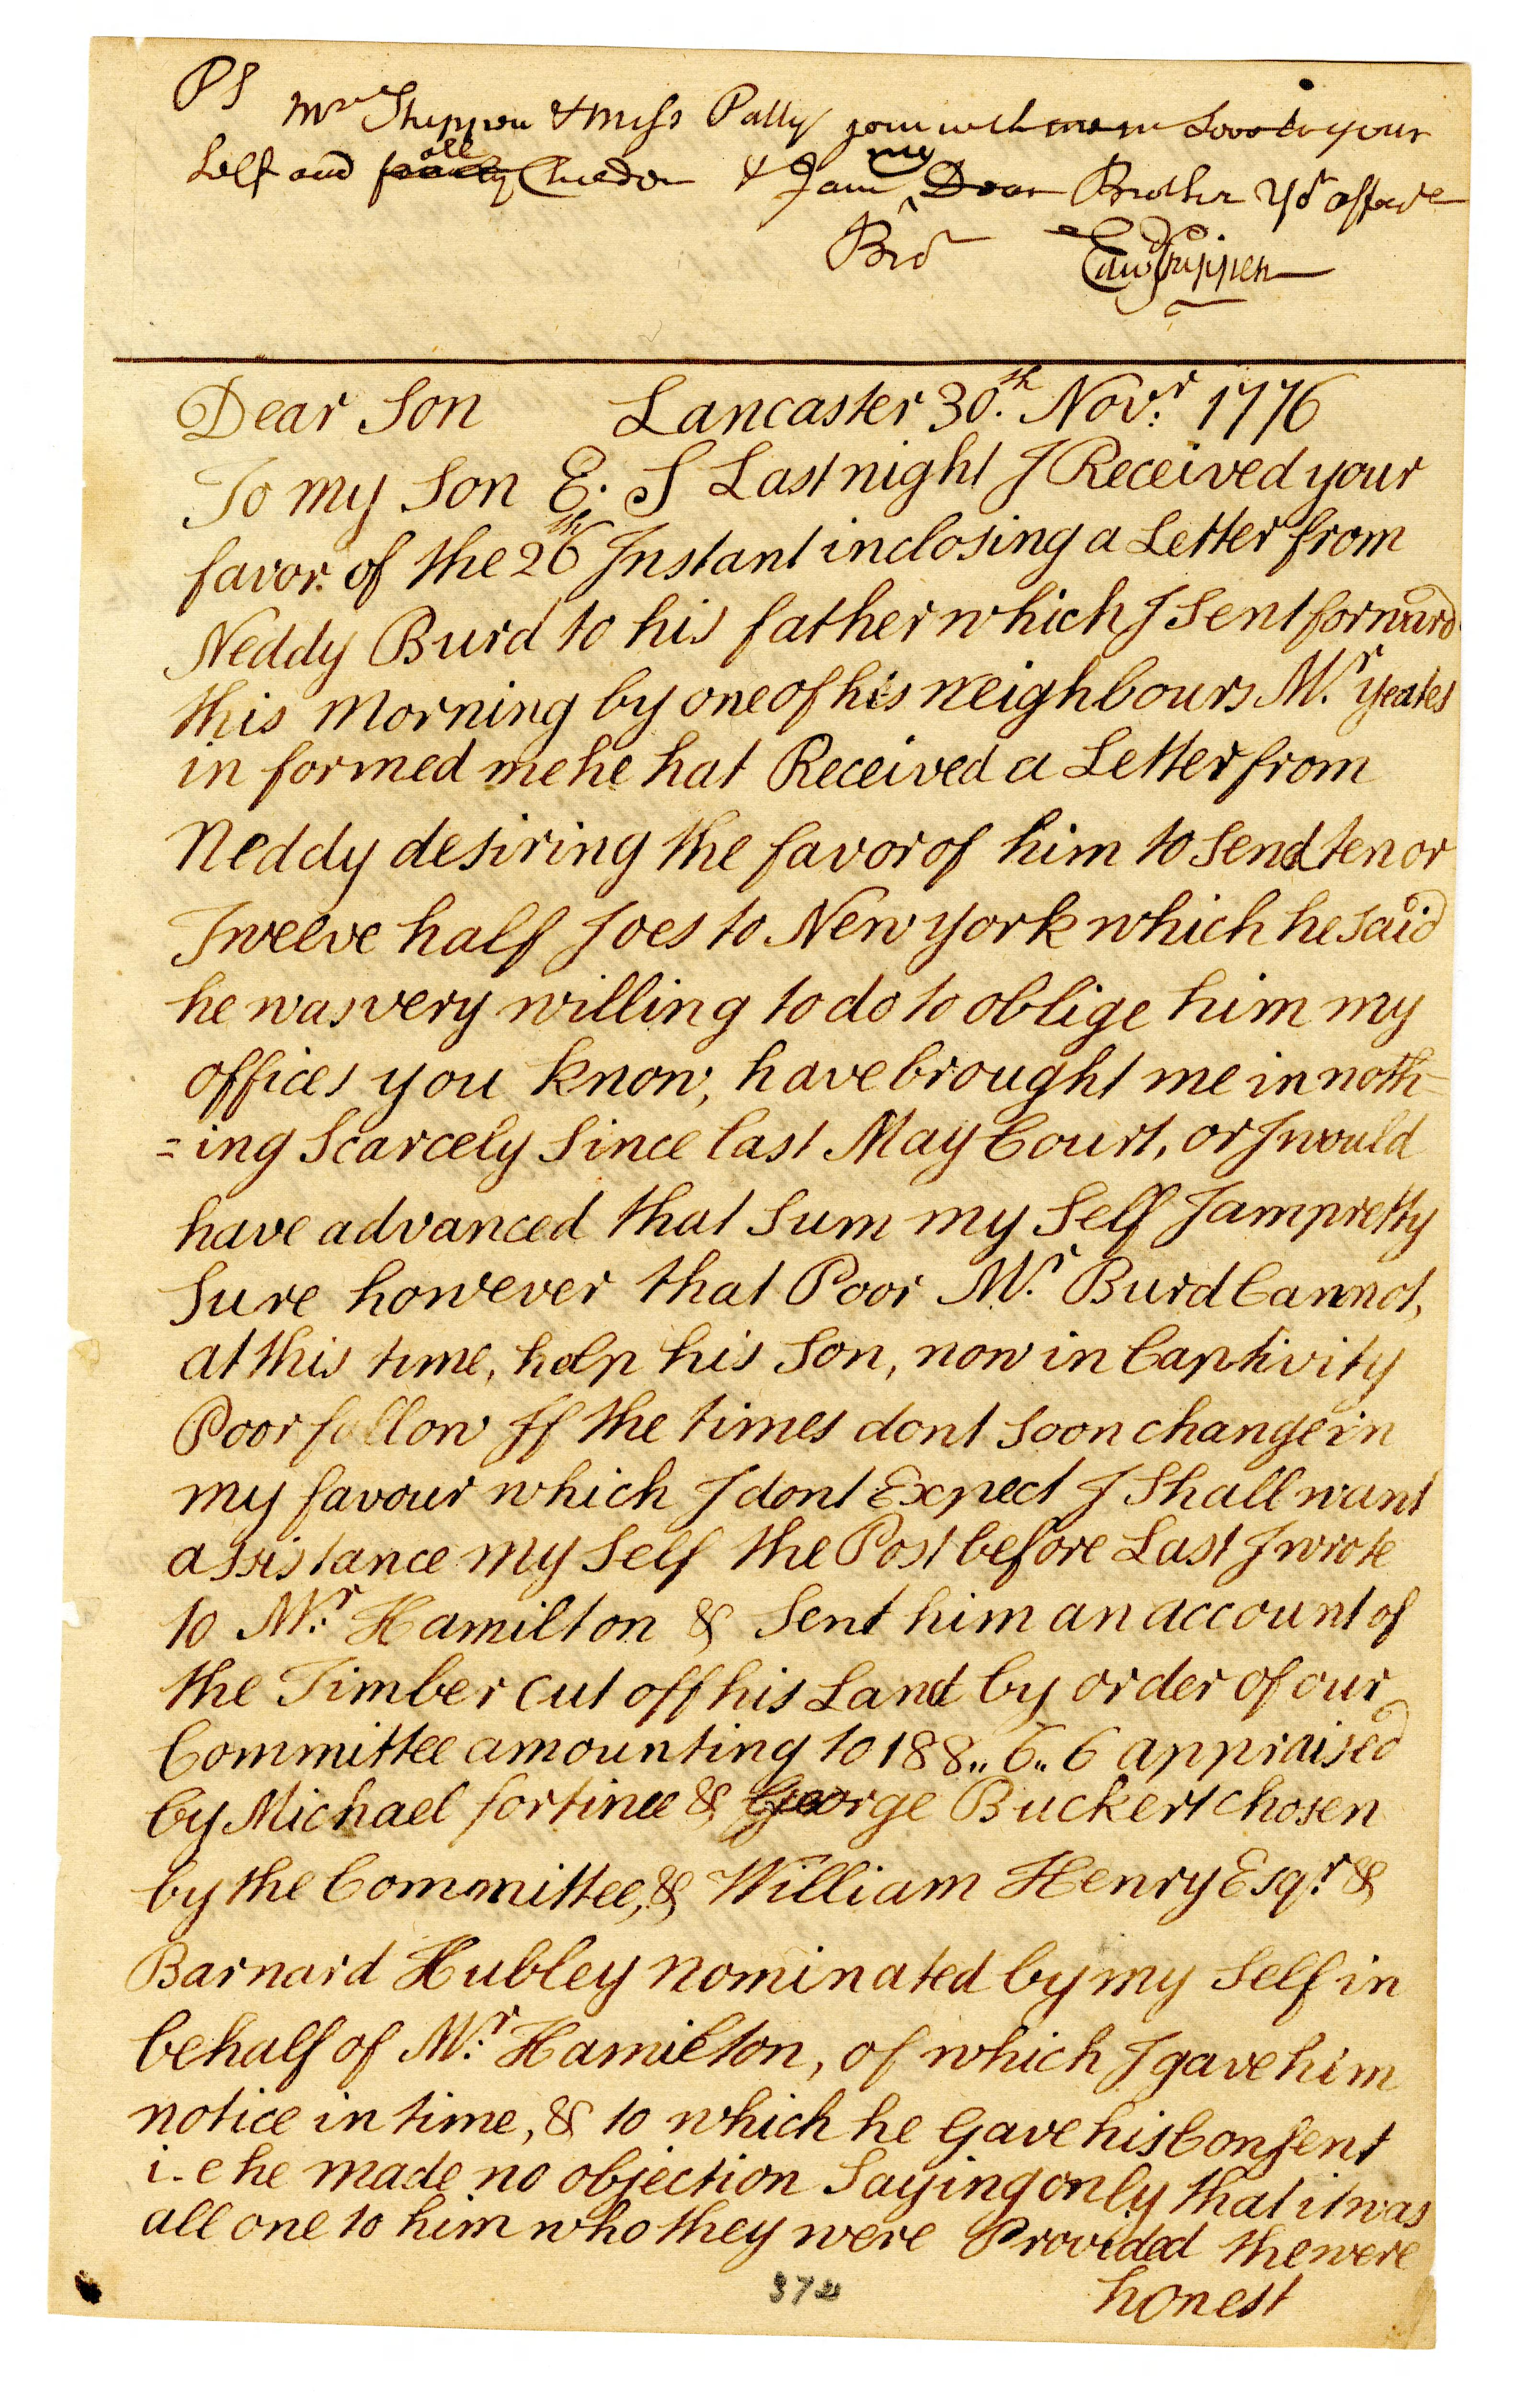PS
M^rs Shippen & Miss Patty join with me in Love to your
Self and all Children
& I am ^my Dear Brother Yo^r Affec^te
Bro^r
Edw^d Shippen
Dear Son
Lancaster 30^th. Nov^r: 1776
To my Son E. I Last night I Received your
favor. of the 26^th Instant inclosing a Letter from
Neddy Burd to his father which I sent forward
this Morning by one of his neighbours M^r. Yeates
in formed mw he hat Received a Letter from
Neddy desiring the favor of him to send ten or
Twelve half Joes to New York which he said
he was very willing to do to oblige him my
Offices you know, have brought me in noth-
-ing Scarcely Since last May Court, or I would
have advanced that sum my Self Iampretty
sure however that Poor M^r. Burd Cannot,
At this time, help his Son, now in Captivity
Poor fellon If the times dont soon change in
My favour which I dont Expect I Shall want
assistance my Self the Post before Last I wrote
to M^r. Hamilton & Sent him an account of
the Timber cut off his Land by order of our
Committee amounting to 188..6..6 appraised
by Michael fortince & George Buckers chosen
by the Committee, & William Henry Esq^r. &
Barnard Hubley nominated by my Self in
behalf of M^r: Hamilton, of which I gave him
notice in time, & to which he Gave his Consent
i.e he made no objection Saying only that it was
all one to him who they were Provided the were
honest